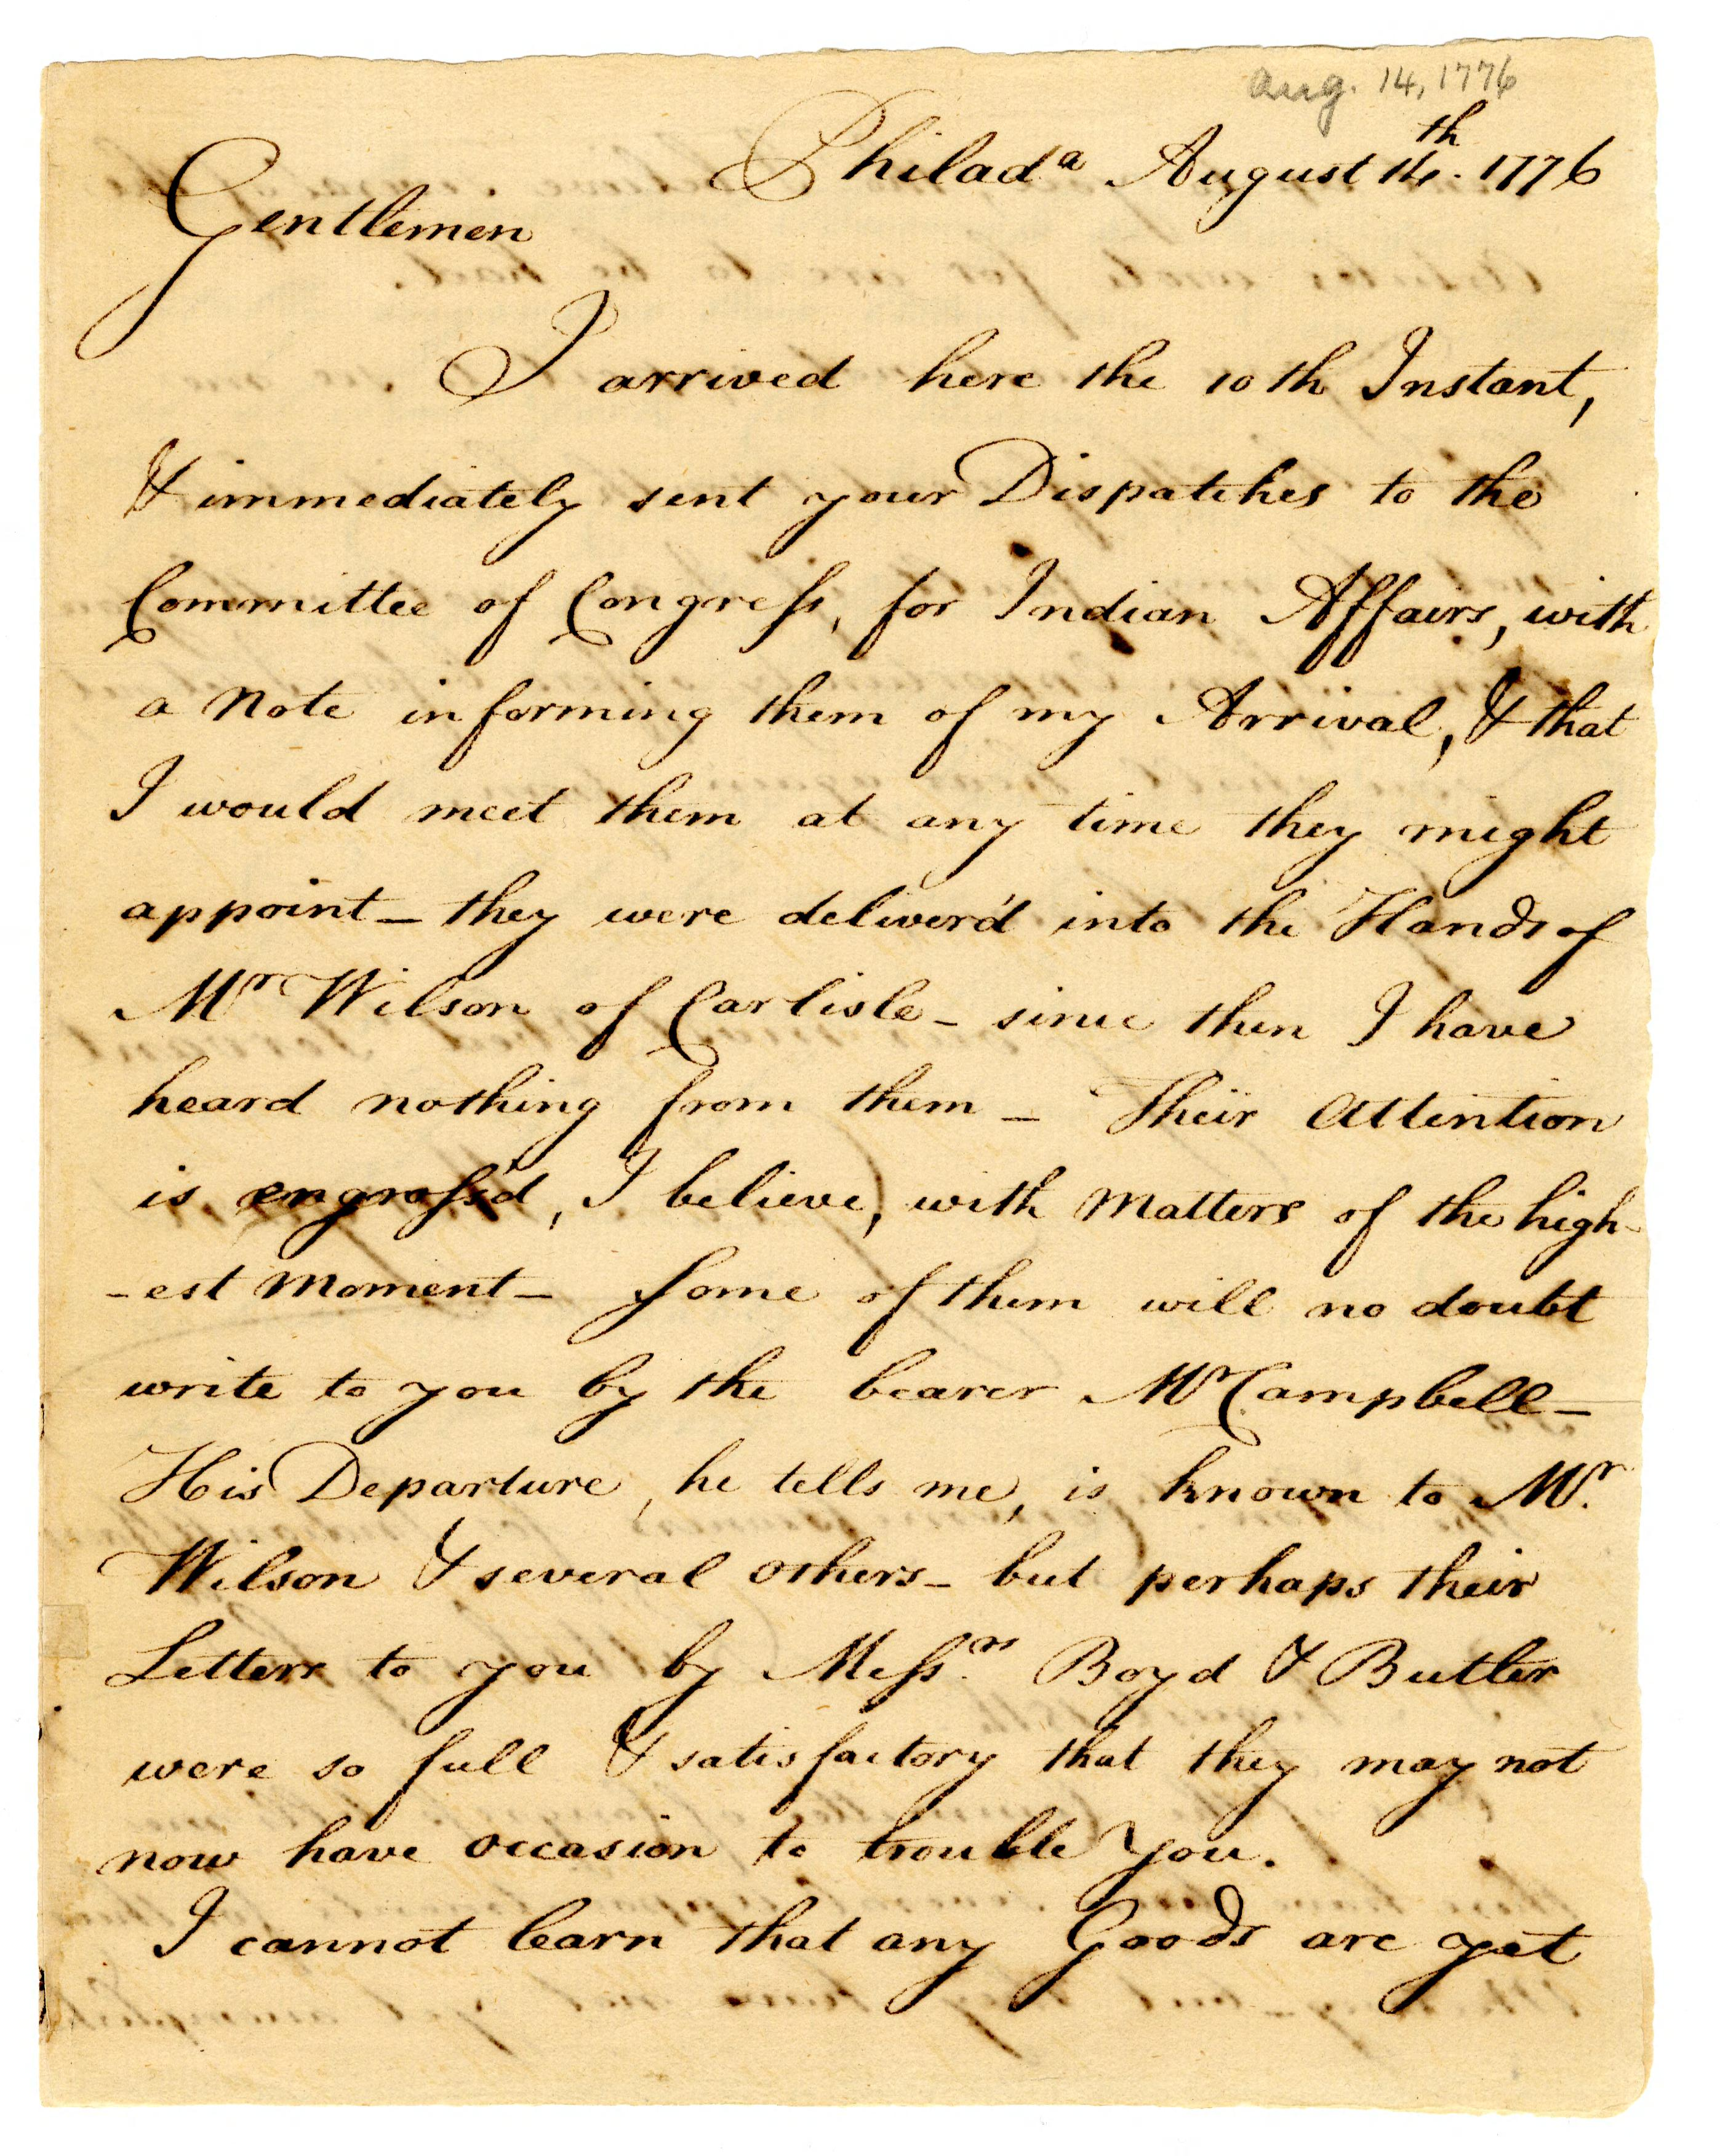Philad^a August 14^th. 1776
Gentlemen
I arrived here the 10th Instant,
& immediately sent your Dispatches to the
Committee of Congress, for Indian Affairs, with
a note informing them of my Arrival, & that
I would meet them at any time they might
appoint- they were deliver'd into the Hands of
M^r Wilson of Carlisle- since then I have
heard nothing from them- Their Attention
is engrossed, I believe, with matters of the high-
-est moment- Some of them will no doubt
write to you by the bearer M^r Campbell-
His Departure, he tells me is known to M^r.
Wilson & several others- but perhaps their
Letters to you by Mess^rs. Boyd & Butler
were so full & satisfactory that they may not
now have occasion to trouble you.
I cannot learn that any Goods are yet